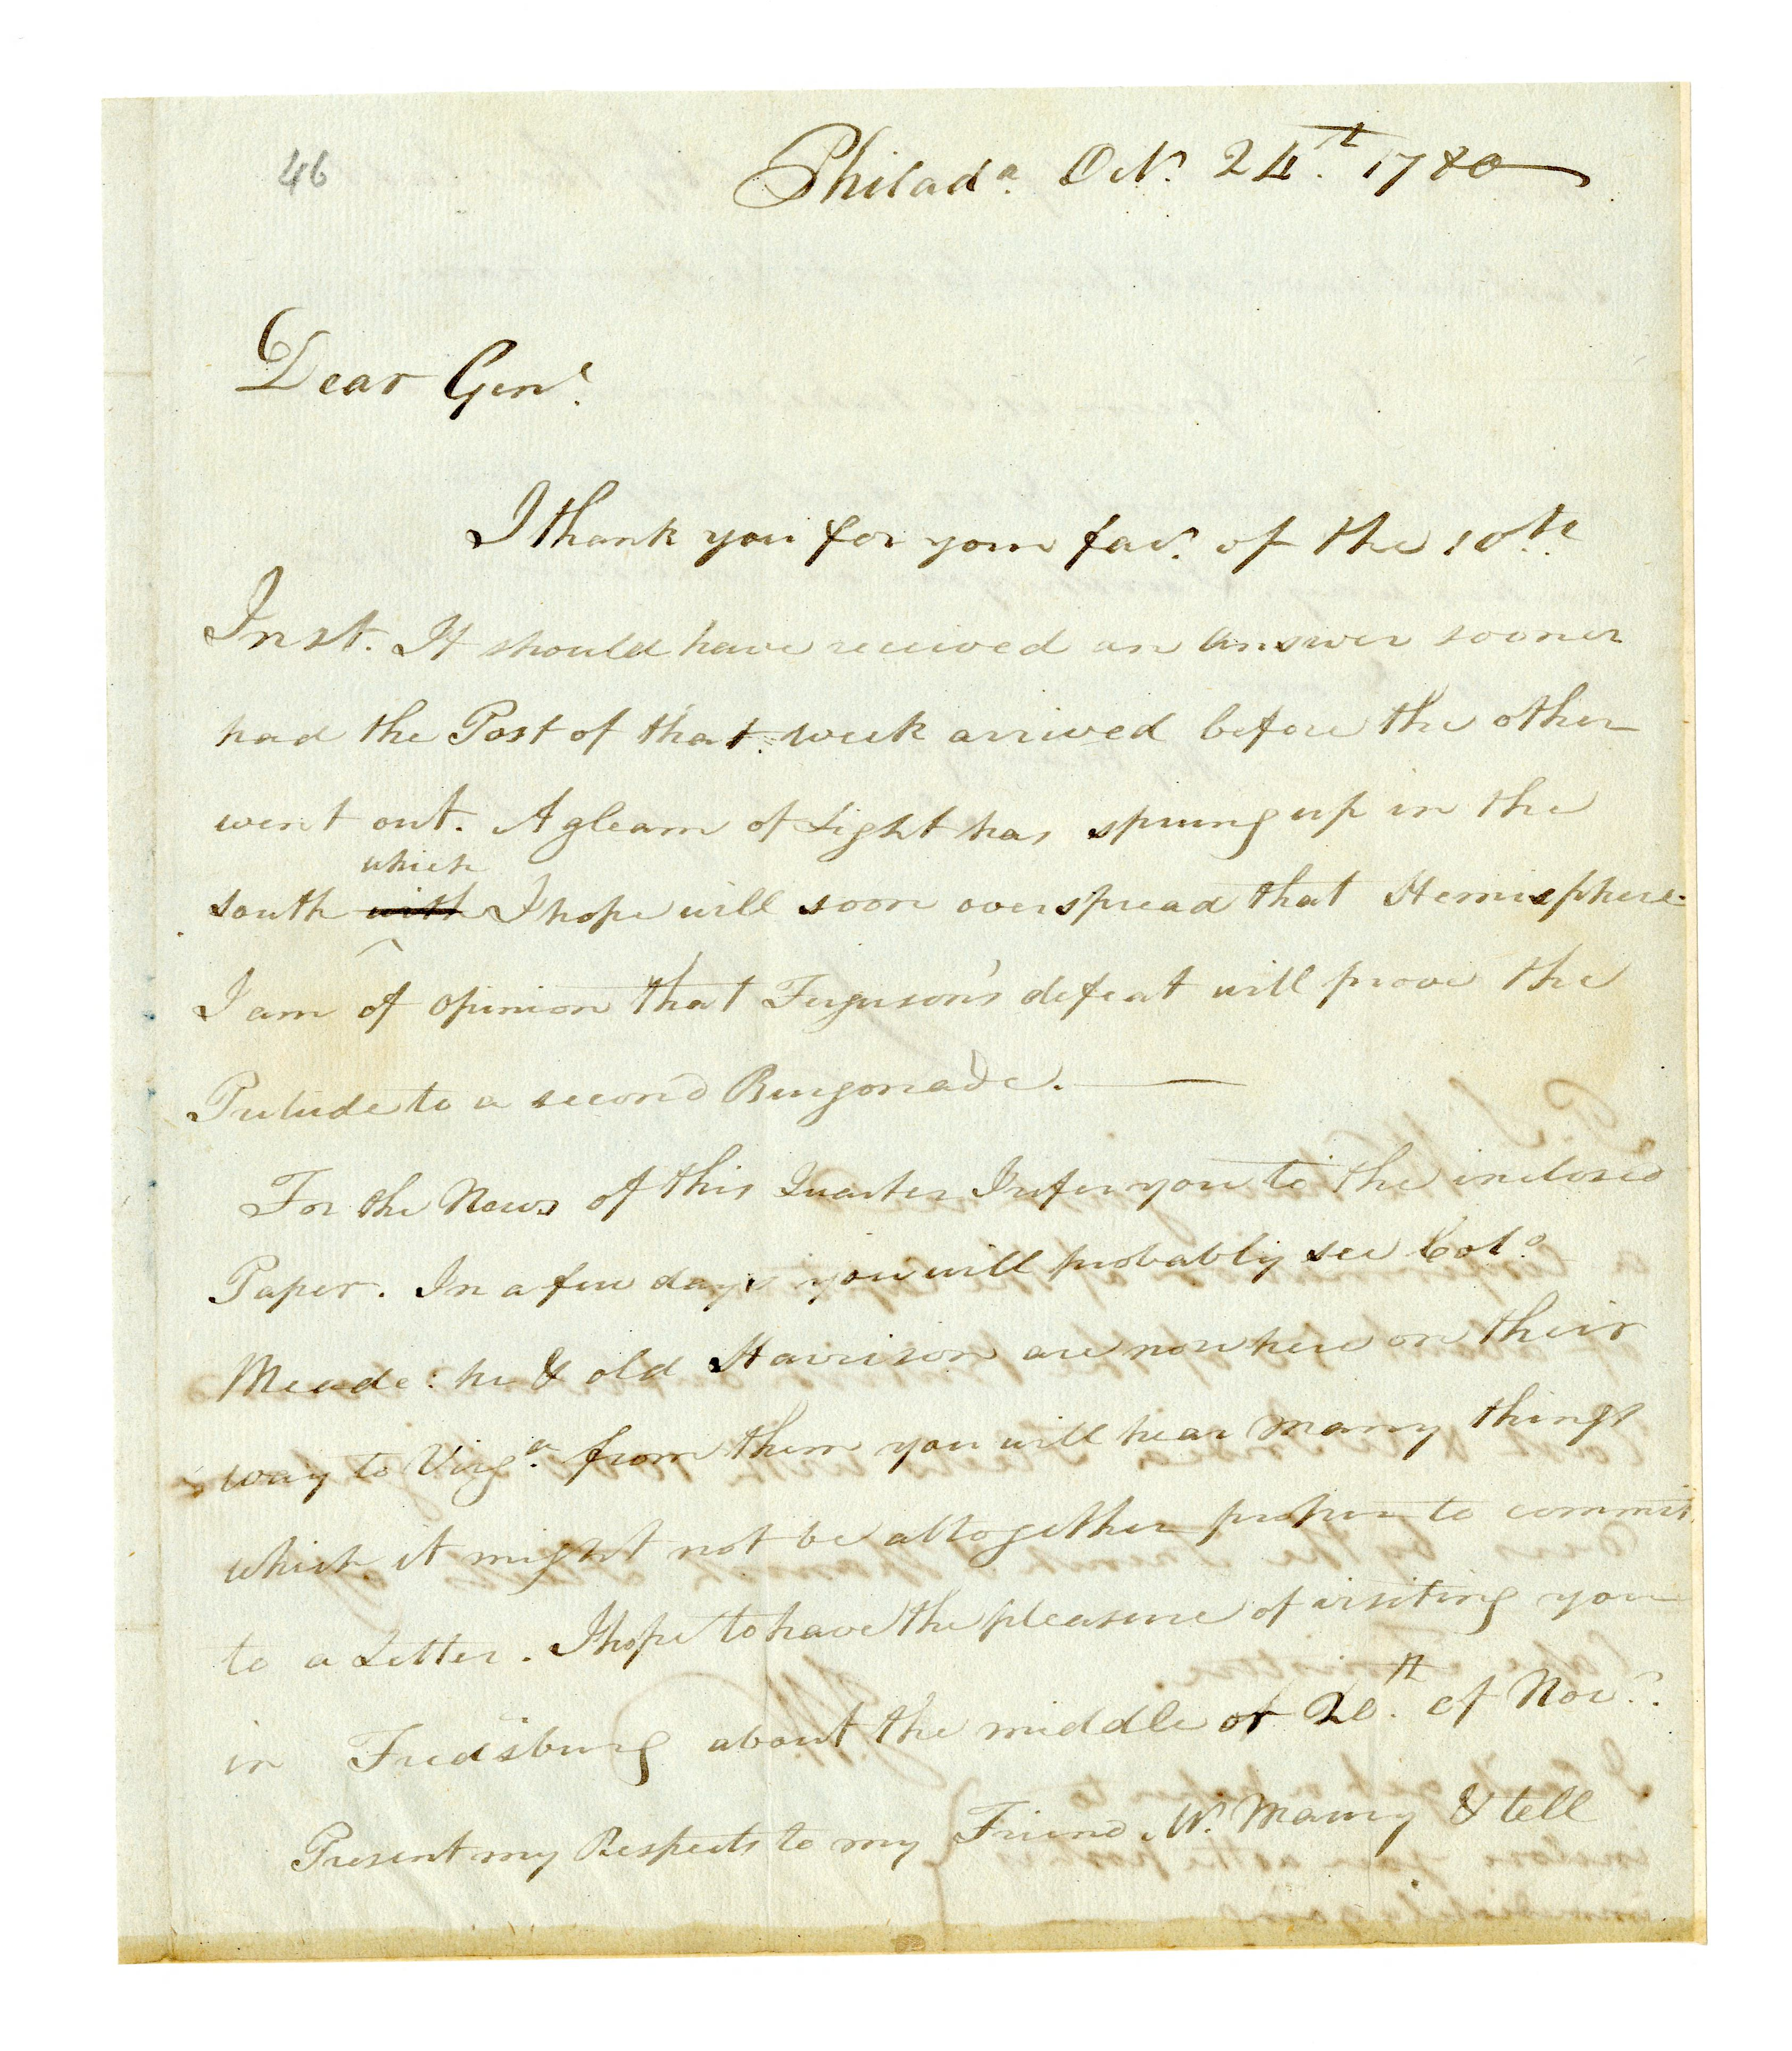Philad^a. Oct. 24^t. 1780
Dear Gen^l.
I thank you for your fav^r. of the 10^th
Inst. It should have received an answer sooner
had the Post of that week arrived before the other
went out. A gleam of Light has sprung up in the
which
south [with] I hope will soon overspread that Hemisphere.
I am of opinion that Ferguson's defeat will prove the
Prelude to a second Burgonade.-
For the News of this Quarter I refer you to the inclosed
Paper. In a few days you will probably see Col^o.
Meade: he & old Harrison are now here on their
way to Virg^a. from them you will hear many things
which it might not be altogether proper to commit
to a Letter. I hope to have the pleasure of writing you
in Fredsburg about the middle of the 20^th. of Nov.
Present my Respects to my Friend M^r. Maury & tell